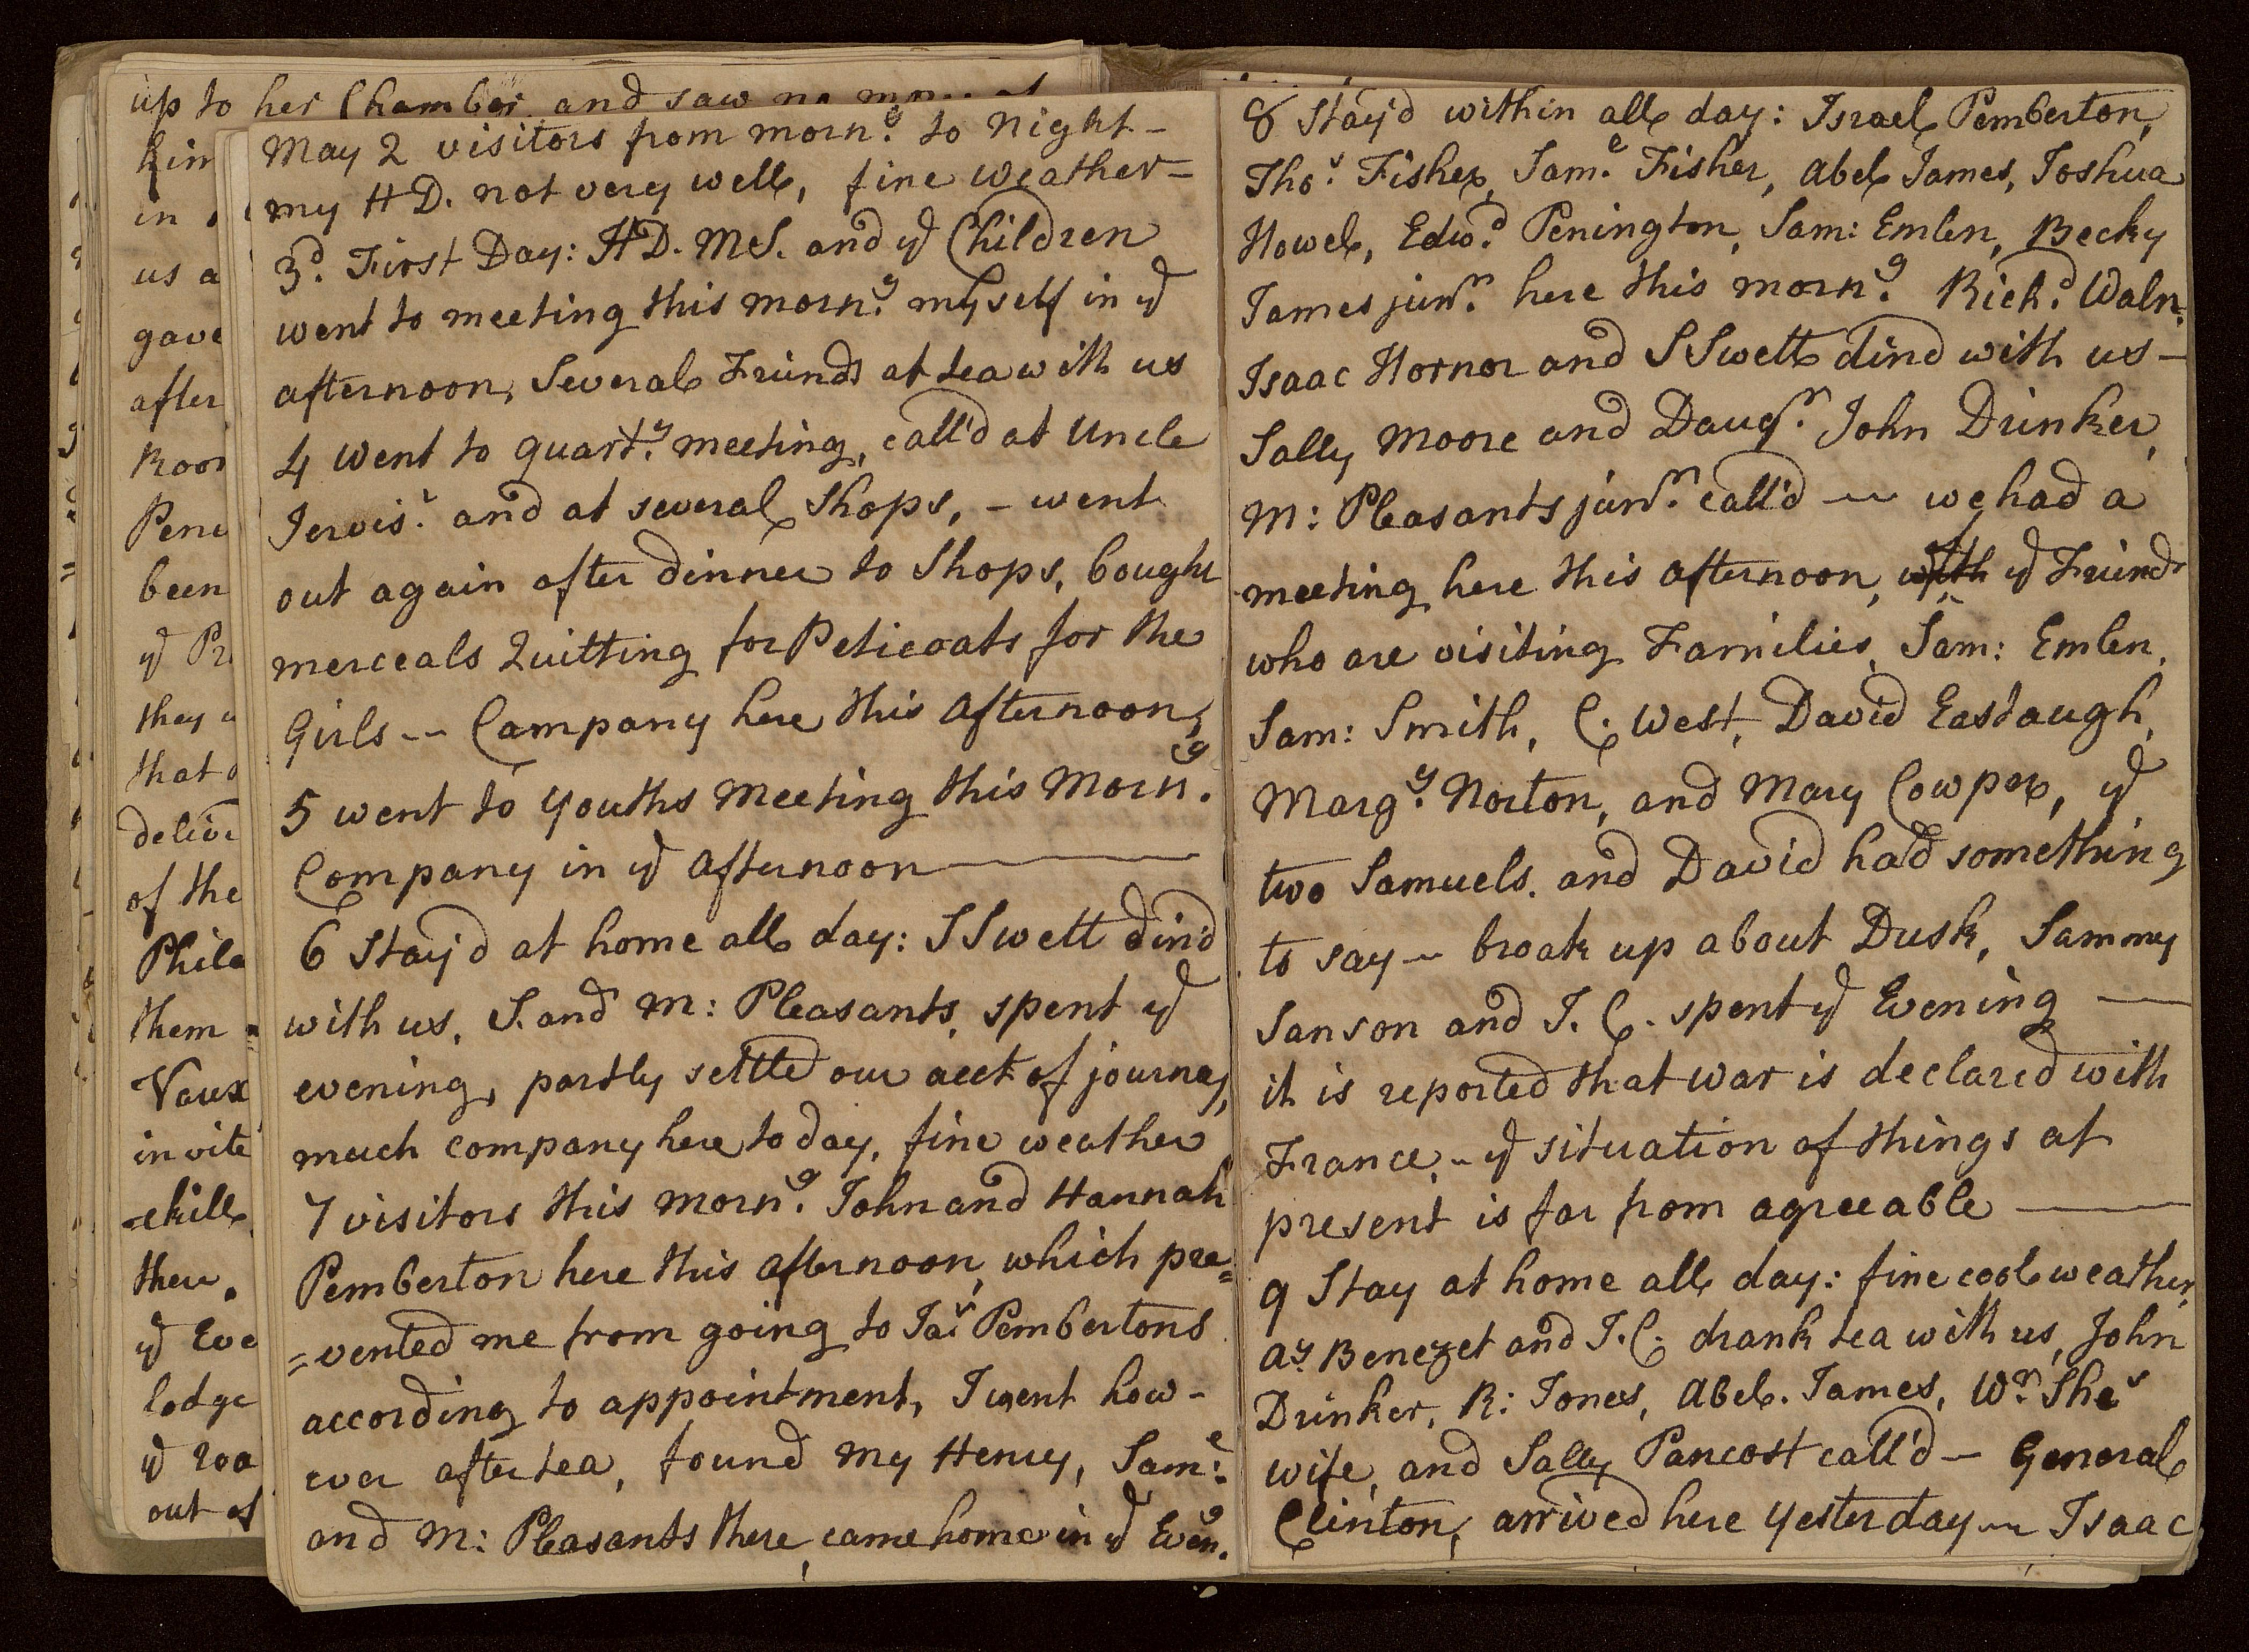May 2 visitors from morn^g. to Night.-
my HD. not very well, fine weather-
3^d. First Day: HD. MS. and y^e Children
went to meeting this morn^g. myself in y^e
afternoon, Several Friends at tea with us
4 went to quart^y. meeting, call'd at Uncle
Jervis^s. and at several shops,- went
out again after dinner to Shops, bought
merceals Quitting for Peticoats for the
Girls- Campany here this afternoon,
5 went to youths meeting this Morn^g.
Company in y^e afternoon
6 stay'd at home all day: S Swett din'd
with us, S. and M: Pleasants, spent y^e
evening, partly settld our acct of journey,
much company here to day, fine weather
7 visitors this morn^g. John and Hannah
Pemberton here this afternoon which pre-
-vented me from going to Jo^s. Pembertons
according to appointment, I went how-
ever after tea, found my Henry, Sam^l:
and M: Pleasants there, came home in y^e Even^g.
8 Stay'd within all day: Israel Pemberton,
Tho^s. Fisher Sam^l. Fisher, Abel James, Joshua
Howel, Edw^d. Penington, Sam: Emlen, Becky
James jun^r. here this morn^g. Rich^d: Waln,
Isaac Hornor and S Swett dind with us-
Sally Moore and Daug^r. John Drinker,
M: Pleasants jun^r. call'd- we had a
meeting here this afternoon with y^e Friend
who are visiting Families, Sam: Emlen,
Sam: Smith, C. West, David Easdaugh,
Marg^y. Norton, and Mary Cowper, y^e
two Samuels, and David had something
to say- broak up about Dusk, Sammy
Sanson and J.C. spent y^e Evening-
it is reported that war is declared with
France- y^e situation of things at
present is far from agreeable-
9 Stay at home all day: fine cool weather,
A^y. Benezet and J.C. drank tea with us, John
Drinker, R: Jones, Abel. James, W^m. She^s
wife, and Sally Pancost call'd- General
Clinton, arrived here yesterday- Isaac